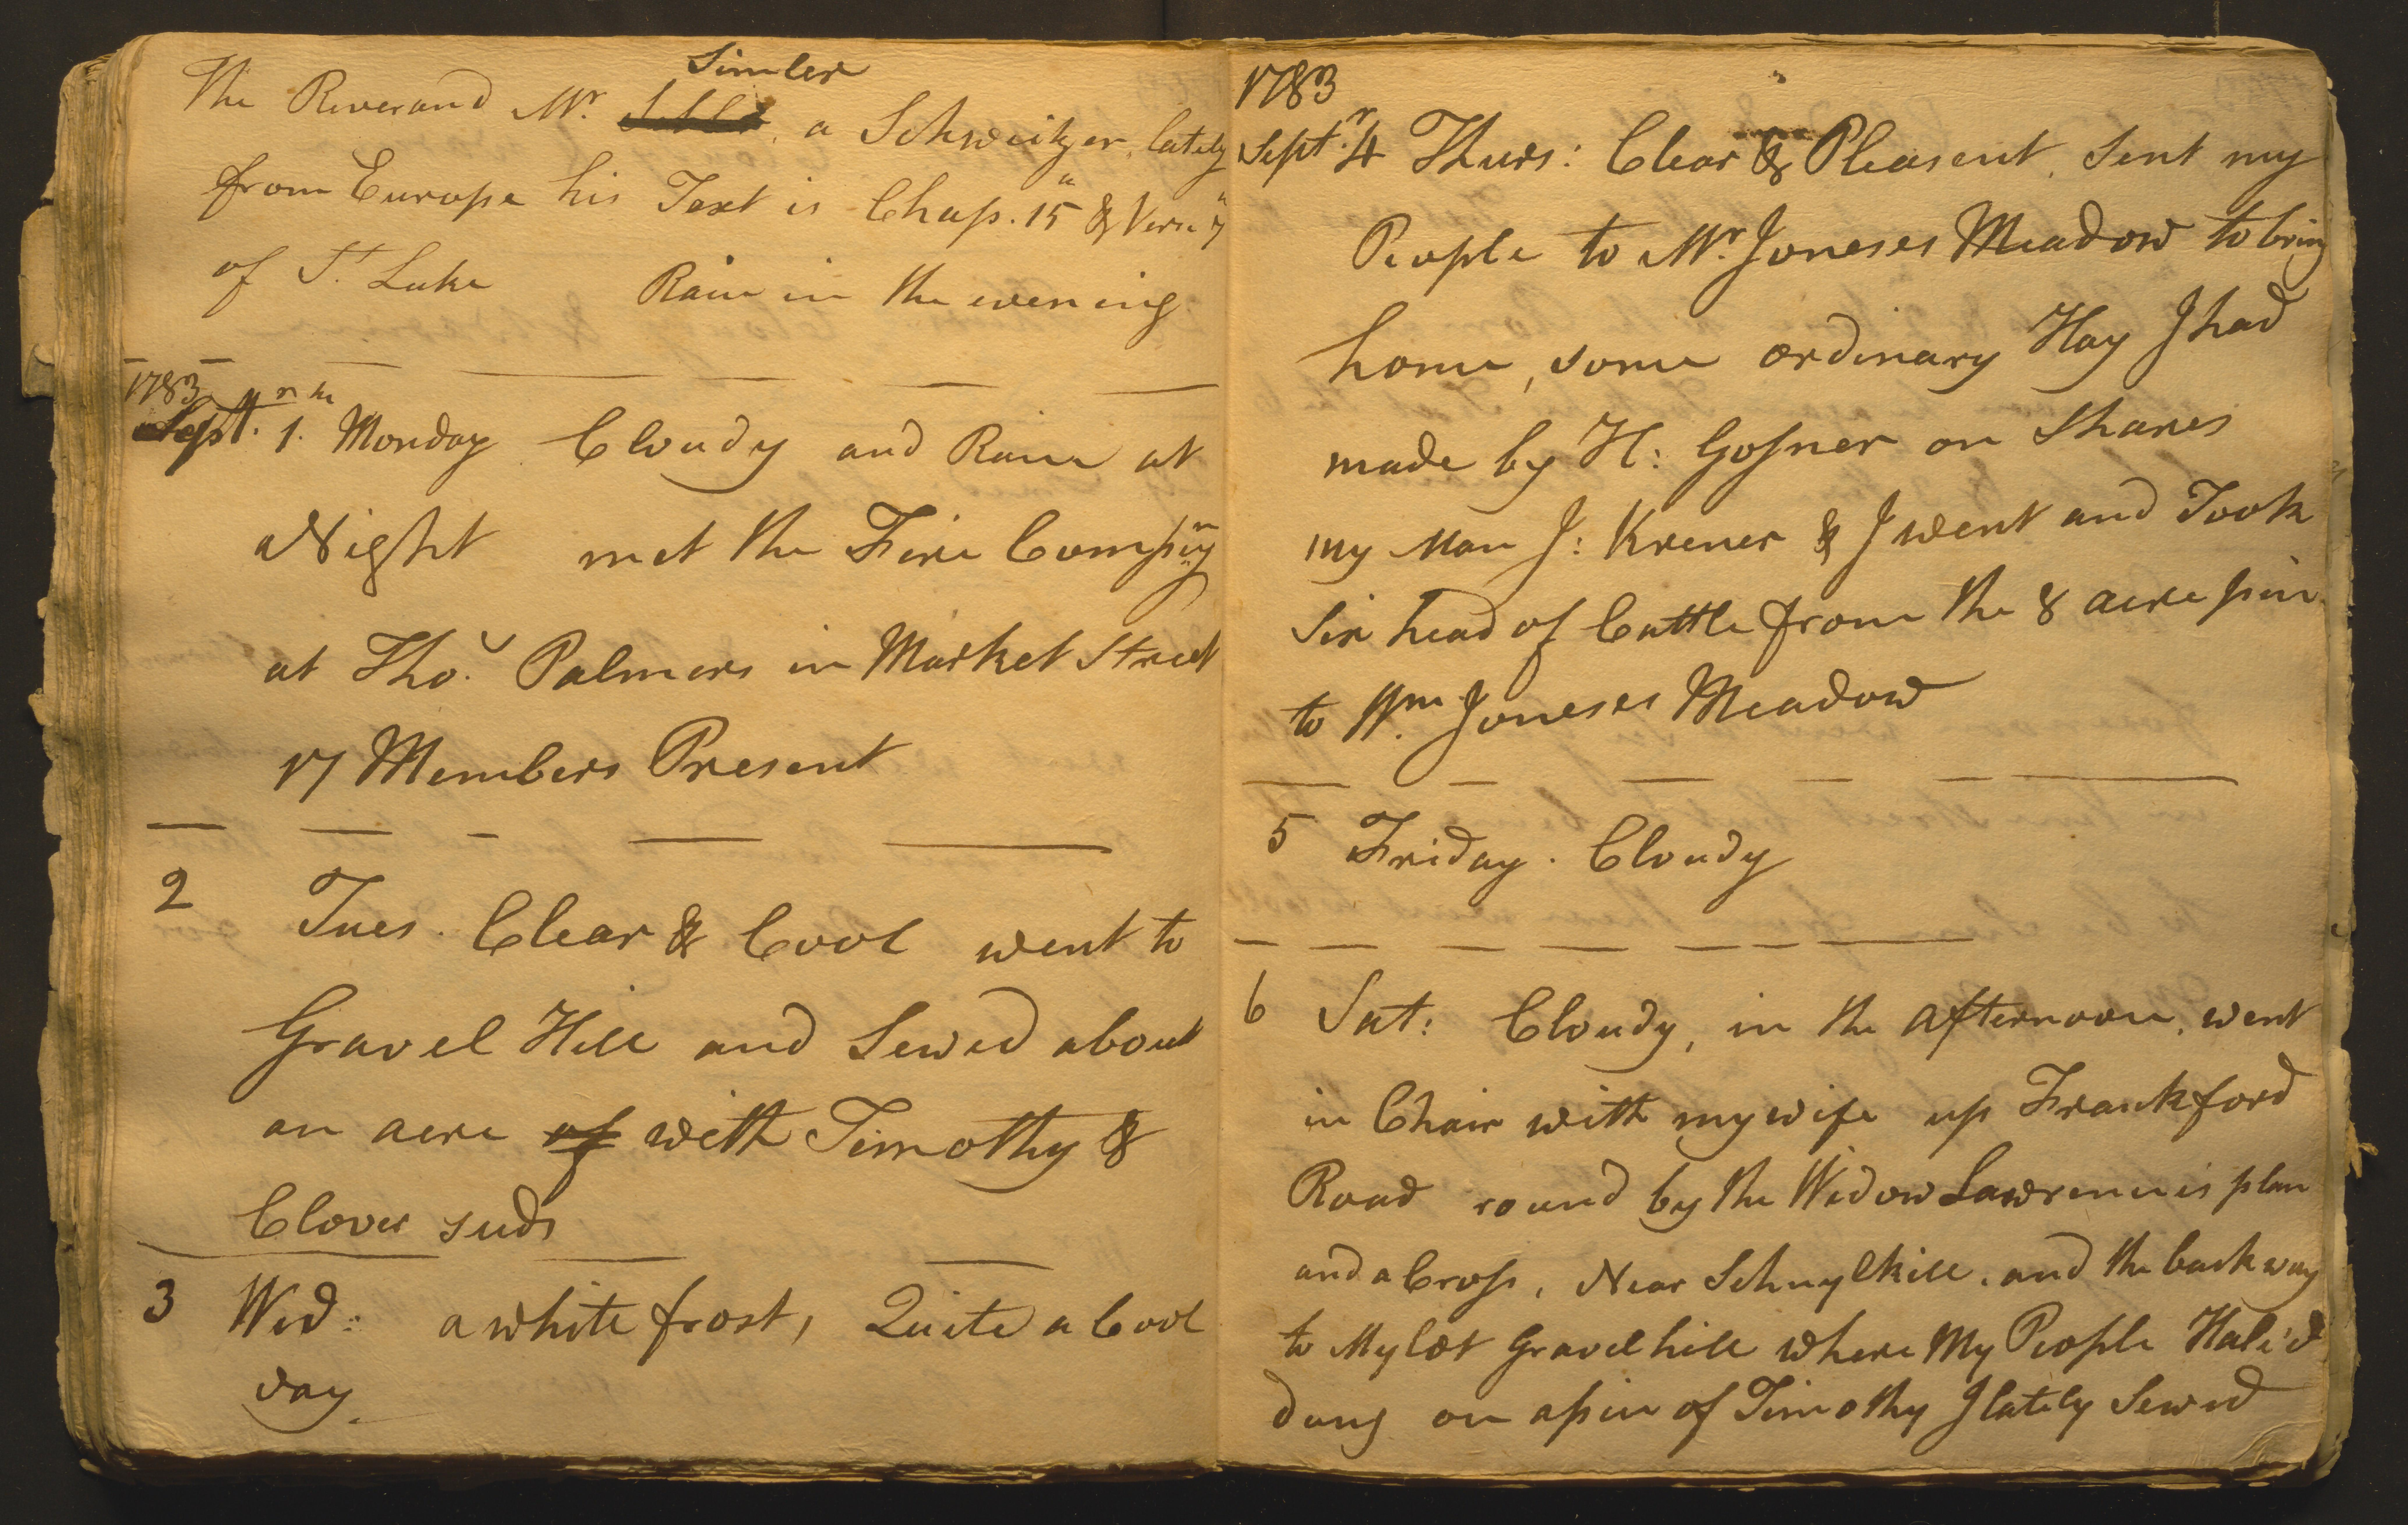Simler
The Reverand M^r. [______] a Schweitzer lately
from Europe his Text is Chap. 15^th & Verse 7
of S^t. Luke Rain in the evening
1783
Sept^r. 1^th. Monday Cloudy and Rain at
Night met the Fire Compey
at Tho^s. Palmers in Market Street
17 Members Present
2 Tues. Clear & Cool went to
Gravel Hill and Sewed about
an acre [of] with Timothy &
Clover seed
3 Wed. a white frost, Quite a Cool
day
1783
Sept^r. 4 Thurs: Clear & Pleasent Sent my
People to M^r. Joneses Meadow to bring
home sone ordinary Hay I had
made by H. Gosner on Shares
My Man J: Krener & I went and Took
six head of Cattle from the 8 acre pice
to W^m. Joneses Meadow
Friday. Cloudy
6 Sat. Cloudy, in the afternoon went
in Chair with my wife up Frankford
Road round by the Widow Lawrence is plan
and a Cross, Near Schuylkill, and the backway
to My lot Gravel hill where My People Hale'd
dung on a pice of Timothy I lately sewed